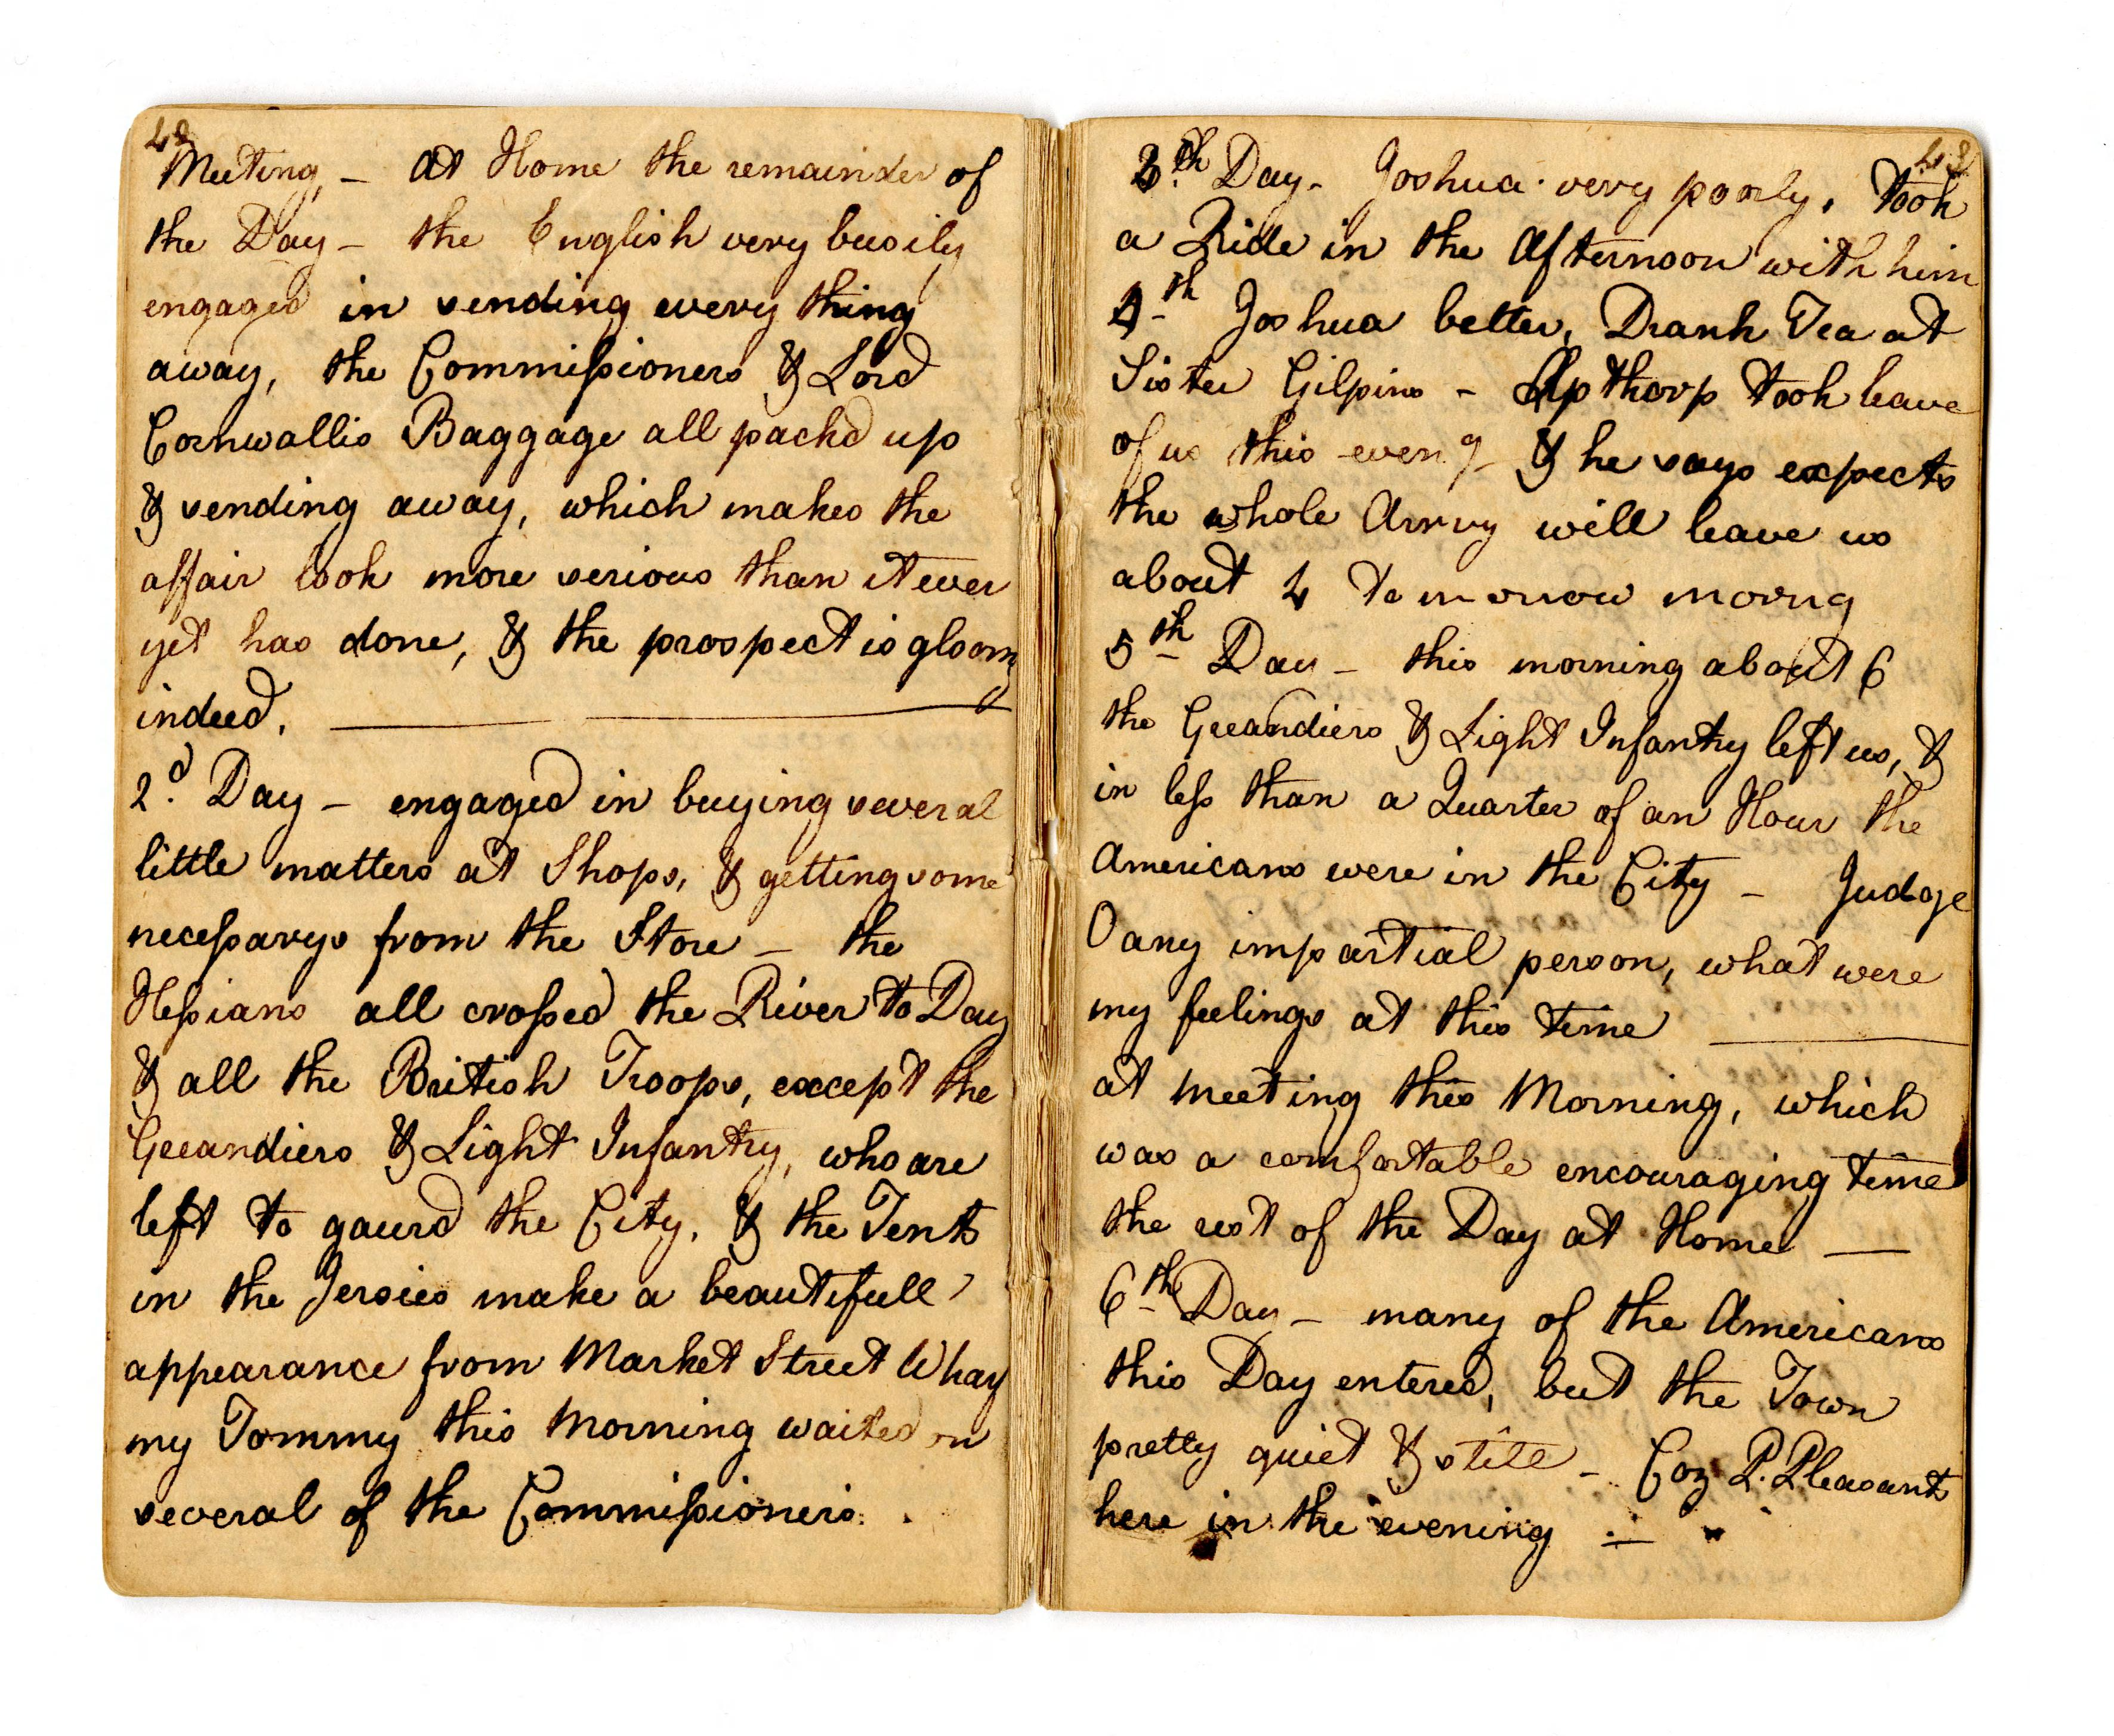42
Meeting- At Home the remainder of
the Day- the English very busily
engaged in sending every thing
away, the Commissioners & Lord
Cornwallis Baggage all packd up
& sending away, which makes the
affair look more serious than it ever
yet has done, & the prospect is gloomy
indeed,
2^d Day- engaged in buying several
little matters at Shops, & getting some
necessarys from the Store- the
Hessians all crossed the River to Day
& all the British Troops, except the
Greandiers & Light Infantry, who are
left to gaurd the City, & the Tents
in the Jersies make a beautifull
appearance from Market Street Wharf
my Tommy this Morning waited on
several of the Commissioners
43
3^th Day. Joshua very poorly, took
a Ride in the Afternoon with him
4^th Joshua better, Drank Tea at
Sister Gilpins- Apthorp took leave
of us this even^g & he says expects
the whole Army will leave us
about 4 to mmrow morng
5^th Day- this morning about 6
the Greandiers & Light Infantry left us, &
in less than a Quarter of an Hour the
Americans were in the City- Judge
Dany impartial person, what were
my feelings at this time
at Meeting this Morning, which
was a comfortable encouraging time
the rest of the Day at Home-
6^th Day- many of the Americans
this Day entered, but the Town
pretty quiet & still- Coz P. Pleasants
here in the evening-